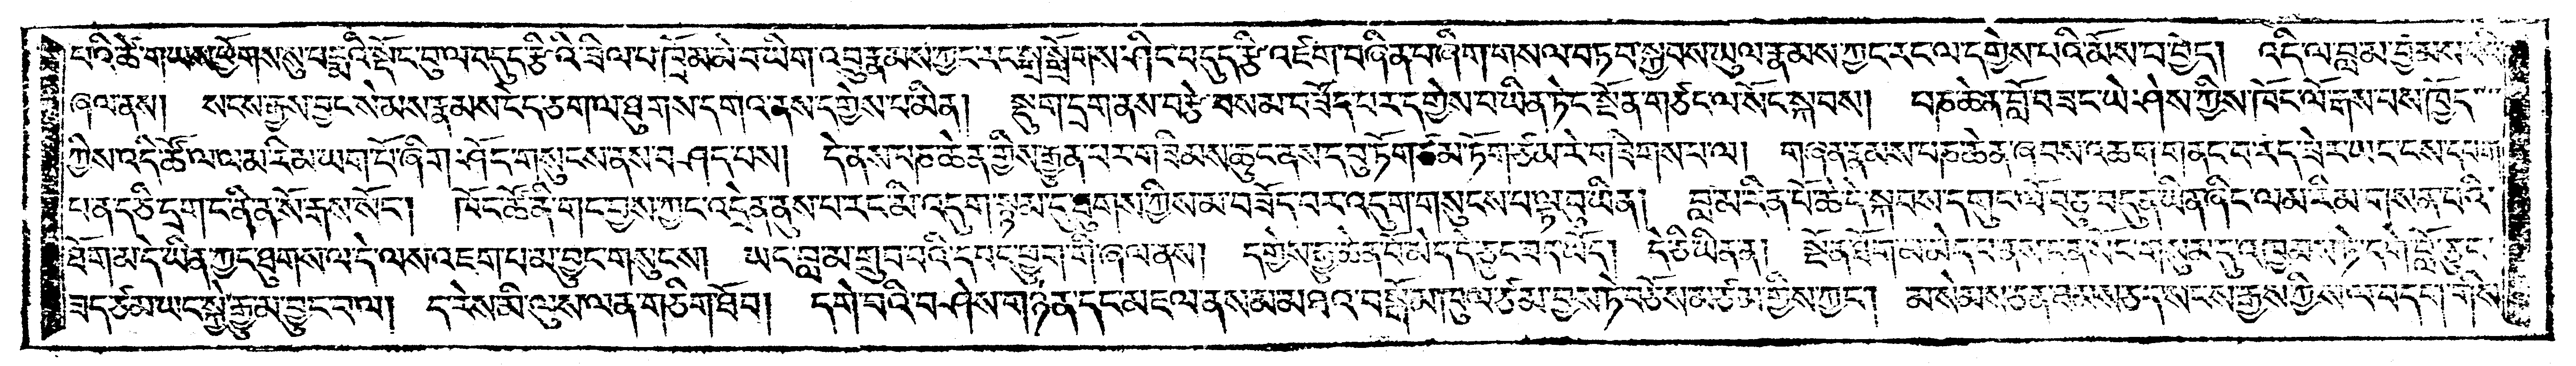པའི་ཚེ་གཡས་བྱོགས་སུ་པདམའི་སྡོང་བུ་ལ་བདུད་རྩིའི་ཟིལ་པ་ཁྲོམ་མེ་བ་ཡིག་འབྲུ་རྣམས་ཀྱང་རང་སྒྲ་སྒྲོགས་ཤིང་བདུད་རྩི་འཛག་བཞིན་པ་ཞིག་གསལ་བཏབ་སྐྱབས་ཡུལ་རྣམས་ཀྱང་རང་ལ་དགྱེས་པའི་མོས་པ་བྱེད། འདི་ལ་བླ་མ་བྱམས་པའི་
ཞལ་ནས། སངས་རྒྱས་བྱང་སེམས་རྣམས་ངེད་ཅག་ལ་ཐུགས་དགའ་ནས་དགྱེས་པ་མིན། སྡུག་དྲག་ནས་བརྩེ་བས་མ་བཟོད་པར་དགྱེས་པ་ཡིན་ཏེང་སྔོན་གཙང་ལ་སོང་སྐབས། པཎ་ཆེན་བློ་བཟང་ཡེ་ཤེས་ཀྱིས་ཁོང་ལོ་རྒས་པས་ཁྱོད་
ཀྱིས་འདི་ཚོལ་ལམ་རིམ་ཡག་པོ་ཞིག་ཤོང་གསུངས་ནས་བཤད་པས། དེ་ནས་པཎ་ཆེན་གྱིས་རྒྱན་པར་གཟིམས་ཆུང་ནས་དབུ་ཏོག་ཙམ་ཏོག་ཙམ་རེ་གཟིགས་པ་ལ། གཞན་རྣམས་པཎ་ཆེན་ཞབས་འཆག་གནང་བ་རད་ཟེར་ཡང་ངས་དཔག་
བ་ན་ད་ཅི་དྲག་ང་ནི་ན་སོགས་སོང་། ཁོང་ཚོ་ནི་གང་བྱས་ཀྱང་འདྲེན་ནུས་པ་རང་མི་འདུག་སྙམ་དུ་ཐུགས་ཀྱིས་མ་བཟོད་པར་འདུག་གསུངས་པ་ལྟ་བུ་ཡིན། བླ་མ་རིན་པོ་ཆེ་དེ་སྐབས་དགུང་ལོ་བཅུ་བདུན་ཡིན་ཞིང་ལམ་རིམ་གསན་པའི་
ཐོག་མ་དེ་ཡིན་ཀྱང་ཐུགས་ལ་དེ་ལས་འཇག་པ་མ་བྱུང་གསུངས། ཡང་བླ་མ་གྲུབ་པའི་དབང་ཕྱུག་གི་ཞལ་ནས། དགྱེས་རྒྱུ་ཆེན་པོ་མེད་དེ་ཅུང་ཟད་ཡོད། དེ་ཅི་ཡིན་ན། སྔོན་ཐོག་མ་མེད་བ་ནས་ངན་སོང་གསུམ་དུ་འཁྱམས་ཏེ་དགེ་བློ་ཅུང་
ཟད་ཙམ་ཡང་སྐྱེ་རྒྱུ་མ་བྱུང་བ་ལ། ད་རེས་མི་ལུས་ལན་གཅིག་ཐོབ། དགེ་བའི་བཤེས་གཉན་དང་མཇལ་ནས་མ་མཐའ་བསྒོམ་ཁུལ་ཙམ་བྱས་ཏེ་བཅོས་མ་ཙམ་གྱིས་ཀྱང་། མ་སེམས་ཅན་ཐམས་ཅད་སངས་རྒྱས་ཀྱིས་ལ་བདག་གིས་